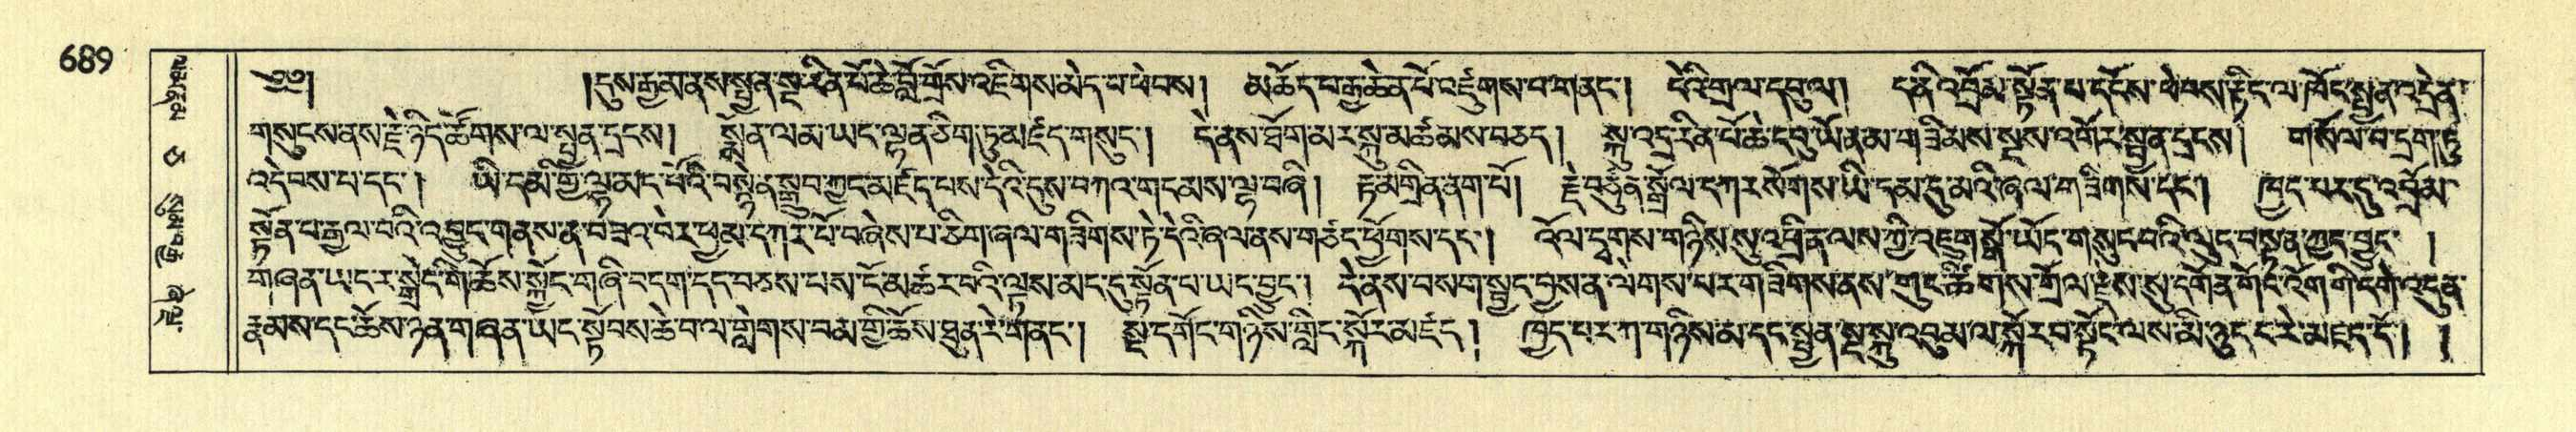༄༅། །དུས་རྒྱ་མ་ནས་སྤྱན་སྔ་རིན་པོ་ཆེ་བློ་གྲོས་འཇིགས་མེད་པ་ཕེབས། མཆོད་པ་རྒྱ་ཆེན་པོ་འཛུགས་བ་གནང་། དེའི་གྲལ་དབུ་ལ། ད་ནི་འབྲོམ་སྟོན་པ་དངོས་ཕེབས་རྟིང་ལ་ཁོང་སྤྱན་འདྲེན་
གསུངས་ནས་རྗེ་ཉིད་ཚོགས་ལ་སྤྱན་དྲངས། སྨོན་ལམ་ཡང་ལྷན་ཅིག་ཏུ་མཛད་གསུང་། དེ་ནས་ཐོག་མར་སྐུ་མཚམས་བཅད། སྐུ་འདྲ་རིན་པོ་ཆེ་དབུ་ཡོན་མ་གཟིམས་སྔས་འགོར་སྤྱན་དྲངས། གསོལ་བ་དྲག་ཏུ་
འདེབས་པ་དང་། ཡི་དམ་གྱི་ལྷ་མང་པོའི་བསྙེན་སྒྲུབ་ཀྱང་མཛད་པས་དེའི་དུས་བཀའ་གདམས་ལྷ་བཞི། རྟ་མགྲིན་ནག་པོ། རྗེ་བཙུན་སྒྲོལ་དཀར་སོགས་ཡི་དམ་དུ་མའི་ཞལ་གཟིགས་དང་། ཁྱད་པར་དུ་འབྲོམ་
སྟོན་པ་རྒྱལ་བའི་འབྱུང་གནས་ན་བཟའ་བེར་ཕྱམ་དཀར་པོ་བཞེས་པ་ཅིག་ཞལ་གཟིགས་ཏེ་དེའི་ཞལ་ནས་གཙང་ཕྱོགས་དང་། འོལ་དྭགས་གཉིས་སུ་འཕྲིན་ལས་ཀྱི་འཇུག་སྒོ་ཡོད་གསུང་བའི་ལུང་བསྟན་ཀྱང་བྱུང་།
གཞན་ཡང་ར་སྒྲེང་གི་ཆོས་སྐྱོང་གཞི་བདག་དང་བཅས་པས་ངོ་མཚར་བའི་ལྟས་མང་དུ་སྟོན་པ་ཡང་བྱུང་། དེ་ནས་བསག་སྦྱང་བྱས་ན་ལེགས་པར་གཟིགས་ནས་གུང་ཚིགས་གྲོལ་རྗེས་སུ་དགོན་གོང་འོག་གི་དགེ་འདུན་
རྣམས་དང་ཆོས་ཉན་གཞན་ཡང་སྟོབས་ཆེ་བ་ལ་གླེགས་བམ་གྱི་ཆོས་ཐུན་རེ་གནང་། སྔ་དགོང་གཉིས་གླིང་སྐོར་མཛད། ཁྱད་པར་ཀ་གཉིས་མ་དང་སྤྱན་སྔ་སྐུ་འབུམ་ལ་སྐོར་བ་སྟོང་ལས་མི་ཉུང་ང་རེ་མཛད་དོ། །